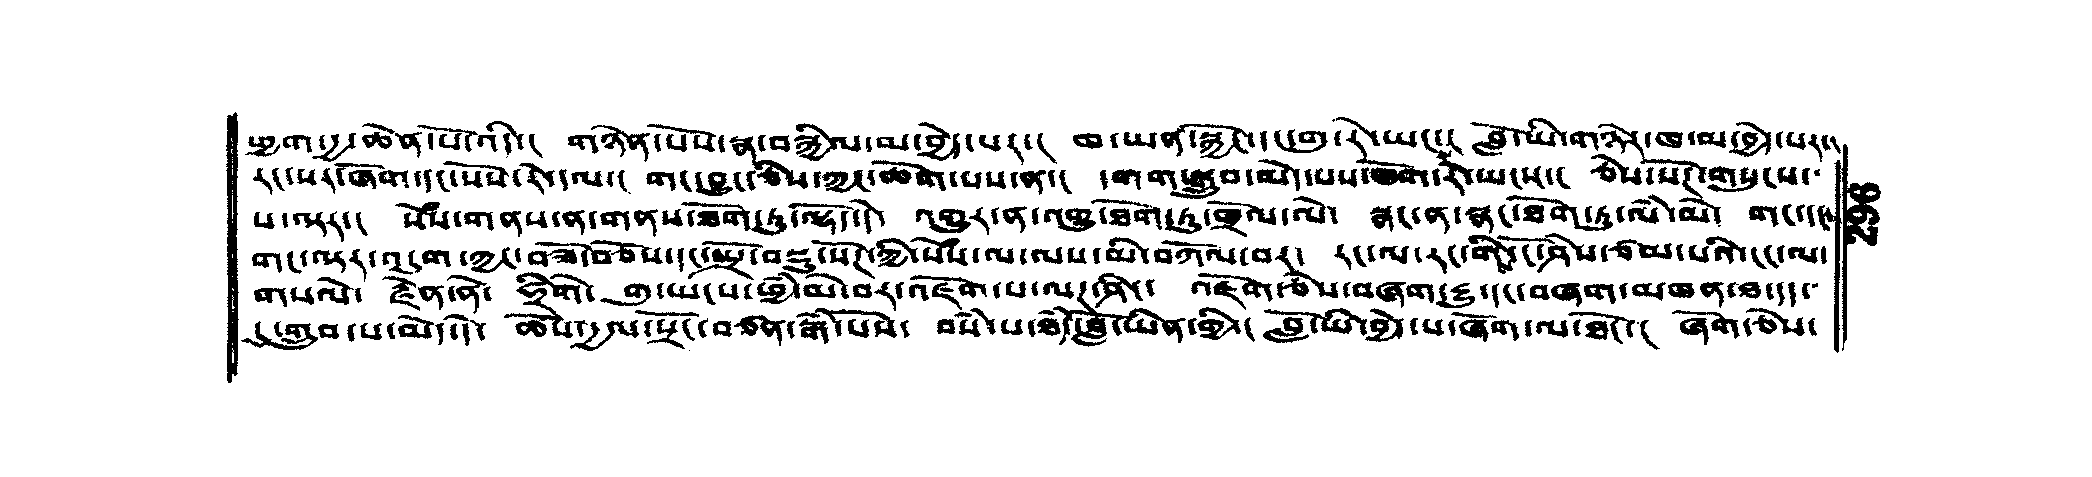ཕྱག་རྒྱ་ཆེན་པོ་འདི། །གཉེན་པོས་སྣ་བསྐྱིལ་མ་བྱེད་པར། །ཁ་ཡན་སྐྱོངས་དང་གུ་རེ་ཡང་། །བློ་ཡི་གཉེར་ཁ་མ་བྱེད་པར། །
རང་སར་ཞོག་དང་སོས་རེ་དལ། །གང་བྱུང་ཅིས་ཀྱང་ཆོག་པས་ན། །དགག་སྒྲུབ་མེད་པས་ཁོག་རེ་ཡངས། ཅེས་སོགས་གསུངས་
པ་ལྟར། སེམས་གནས་ན་གནས་ཐོག་ཏུ་ལྷོད་དེ། འགྱུ་ན་འགྱུ་ཐོག་ཏུ་ཁྲོལ་ལེ། སྣང་ན་སྣང་ཐོག་ཏུ་ལམ་མེ། གང་དང་
གང་ལྟར་འདུག་ཀྱང་བཟོ་བཅོས་དང་སྤྲོ་བསྡུ་སོགས་ཀྱི་སེམས་ལ་ལས་མི་བཀོལ་བར། རང་ལ་རང་གིས་ངོ་ཤེས་ཙམ་པའི་ངང་ལ་
གསལ་ཏེ། རྗེན་ནེ། ཧྲིག་གེ གུ་ཡངས་ཕྱམ་མེ་བར་འཇོག་པ་ལགས་ཤིང་། འཇོག་ཅེས་བཞག་རྒྱུ་དང་བཞག་མཁན་ཐ་དད་
དུ་གྲུབ་པ་མེད་དེ། ཆོས་རྒྱལ་སྲོང་བཙན་སྒམ་པོས། བསམ་པ་ཐམས་ཅད་བློ་ཡིན་གྱི། །བློ་ཡི་བྱེད་པ་ཞོག་ལ་ཐོང་། །ཞོག་ཅེས་